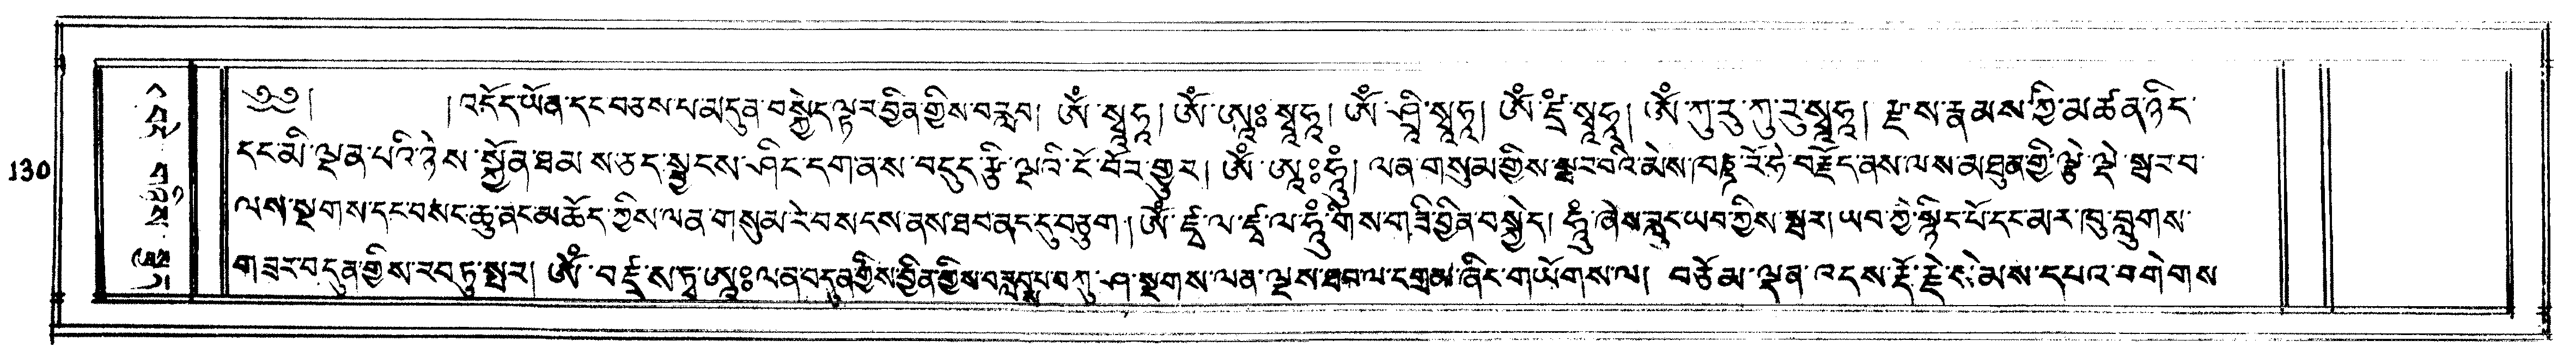༄༅། །འདོད་ཡོན་དང་བཅས་པ་མདུན་བསྐྱེད་ལྟར་བྱིན་གྱིས་བརླབ། ཨོཾ་སྭཱཧཱ། ཨོཾ་ཨཱཿ སྭཱཧཱ། ཨོཾ་ཤྲཱི་སྭཱཧཱ། ཨོཾ་ཛྲཾ་སྭཱཧཱ། ཨོཾ་ཀུ་རུ་ཀུ་རུ་སྭཱཧཱ། རྫས་རྣམས་ཀྱི་མཚན་ཉིད་
དང་མི་ལྡན་པའི་ཉེས་སྐྱོན་ཐམས་ཅད་སྦྱངས་ཤིང་དག་ནས་བདུད་རྩི་ལྔའི་ངོ་བོར་གྱུར། ཨོཾ་ཨཱཿ ཧཱུཾ། ལན་གསུམ་གྱིས་སྦར་བའི་མེས་ཁཎྜ་རོ་ཧེ་བརྗོད་ནས་ལས་མཐུན་གྱི་ལྕེ་ལྡེ་སྦར་བ་
ལས་སྔགས་དང་བསང་ཆུ་ནང་མཆོད་ཀྱིས་ལན་གསུམ་རེ་བསངས་ནས་ཐབ་ནང་དུ་བཅུག །ཨོཾ་ཛྭ་ལ་ཛྭ་ལ་ཧཱུཾ་གིས་གཟི་བྱིན་བསྐྱེད། ཧཱུཾ་ཞེས་རླུང་ཡབ་ཀྱིས་སྦར། ཡབ་ཀྱི་སྙིང་པོ་དང་མར་ཁུ་བླུགས་
གཟར་བདུན་གྱིས་རབ་ཏུ་སྤར། ཨོཾ་བཛྲ་ས་ཏྭ་ཨཱཿ ལན་བདུན་གྱིས་བྱིན་གྱིས་བརླབས་པ་བཀུ་ཤ་སྔགས་ལན་ལྔས་ཐབ་ལ་དགྲམ་ཞིང་གཡོགས་ལ། བཅོམ་ལྡན་འདས་རྡོ་རྗེ་སེམས་དཔའ་བགེགས་